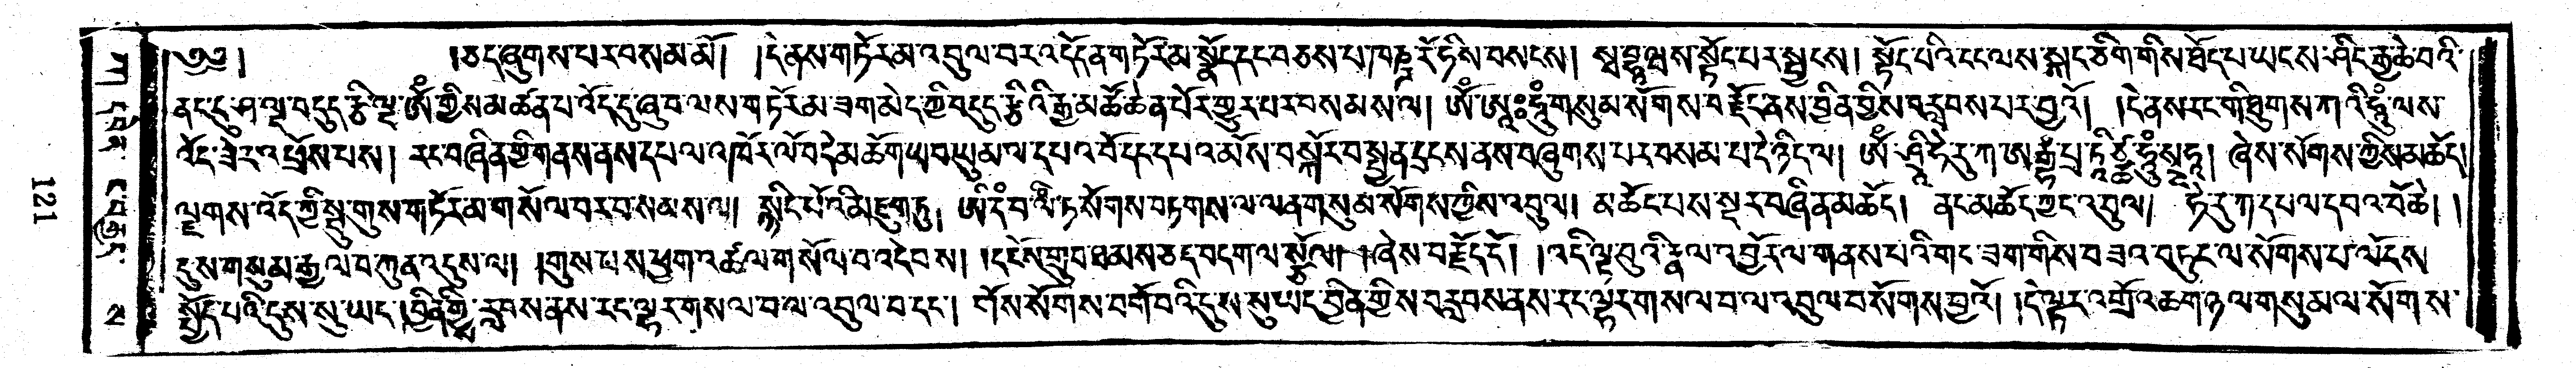༄༅། །ཅད་ཞུགས་པར་བསམ་མོ། །དེ་ནས་གཏོར་མ་འབུལ་བར་འདོད་ན་གཏོར་མ་སྣོད་དང་བཅས་པ་ཁཎྜ་རོ་ཧིས་བསངས། སྭ་བྷཱ་ཝས་སྟོང་པར་སྦྱངས། སྟོང་པའི་ངང་ལས་སྐད་ཅིག་གིས་ཐོད་པ་ཡངས་ཤིང་རྒྱ་ཆེ་བའི་
ནང་དུ་ཤ་ལྔ་བདུད་རྩི་ལྔ་ཨོཾ་གྱིས་མཚན་པ་འོད་དུ་ཞུ་བ་ལས་གཏོར་མ་ཟག་མེད་ཀྱི་བདུད་རྩིའི་རྒྱ་མཚོ་ཆེན་པོར་གྱུར་པར་བསམས་ལ། ཨོཾ་ཨཱཿ ཧཱུཾ་གསུམ་སོགས་བརྗོད་ནས་བྱིན་བྱིས་བརླབས་པར་བྱའོ། །དེ་ནས་རང་གི་ཐུགས་ཀའི་ཧཱུཾ་ལས་
འོད་ཟེར་འཕྲོས་པས། རང་བཞིན་གྱི་གནས་ནས་དཔལ་འཁོར་ལོ་བདེ་མཆོག་ཡབ་ཡུམ་ལ་དཔའ་བོ་དང་དཔའ་མོས་བསྐོར་བ་སྤྱན་དྲངས་ནས་བཞུགས་པར་བསམ་པ་དེ་ཉིད་ལ། ཨོཾ་ཤྲཱི་ཧེ་རུ་ཀ་ཨརྒྷཾ་པྲ་ཏཱི་ཙྪ་ཧཱུཾ་སྭཱ་ཧཱ། ཞེས་སོགས་ཀྱིས་མཆོད།
ལྗགས་འོད་ཀྱི་སྦུ་གུས་གཏོར་མ་གསོལ་བར་བ་སམས་ལ། སྙིང་པོའི་མཇུག་ཏུ། ཨི་དཾ་བ་ལིཾ་ཏ་སོགས་བཏགས་ལ་ལན་གསུམ་སོགས་ཀྱིས་འབུལ། མཆོད་པས་སྔར་བཞིན་མཆོད། ནང་མཆོད་ཀྱང་འབུལ། ཧེ་རུ་ཀ་དཔལ་དབའ་བོ་ཆེ། །
དུས་གསུམ་རྒྱལ་བ་ཀུན་འདུས་ལ། །གུས་པས་ཕྱག་འཚལ་གསོལ་བ་འདེབས། །དངོས་གྲུབ་ཐམས་ཅད་བདག་ལ་སྩོལ། །ཞེས་བརྗོད་དོ། །འདི་ལྟ་བུའི་རྣལ་འབྱོར་ལ་གནས་པའི་གང་ཟག་གིས་བཟའ་བཏུང་ལ་སོགས་པ་ལོངས་
སྤྱོད་པའི་དུས་སུ་ཡང་།བྱིན་གྱིས་རླབས་ནས་རང་ལྷར་གསལ་བ་ལ་འབུལ་བ་དང་། གོས་སོགས་བགོ་བའི་དུས་སུ་ཡང་བྱིན་གྱིས་བརླབས་ནས་རང་ལྷར་གསལ་བ་ལ་འབུལ་བ་སོགས་བྱའོ། །དེ་ལྟར་འགྲོ་འཆག་ཉལ་གསུམ་ལ་སོགས་